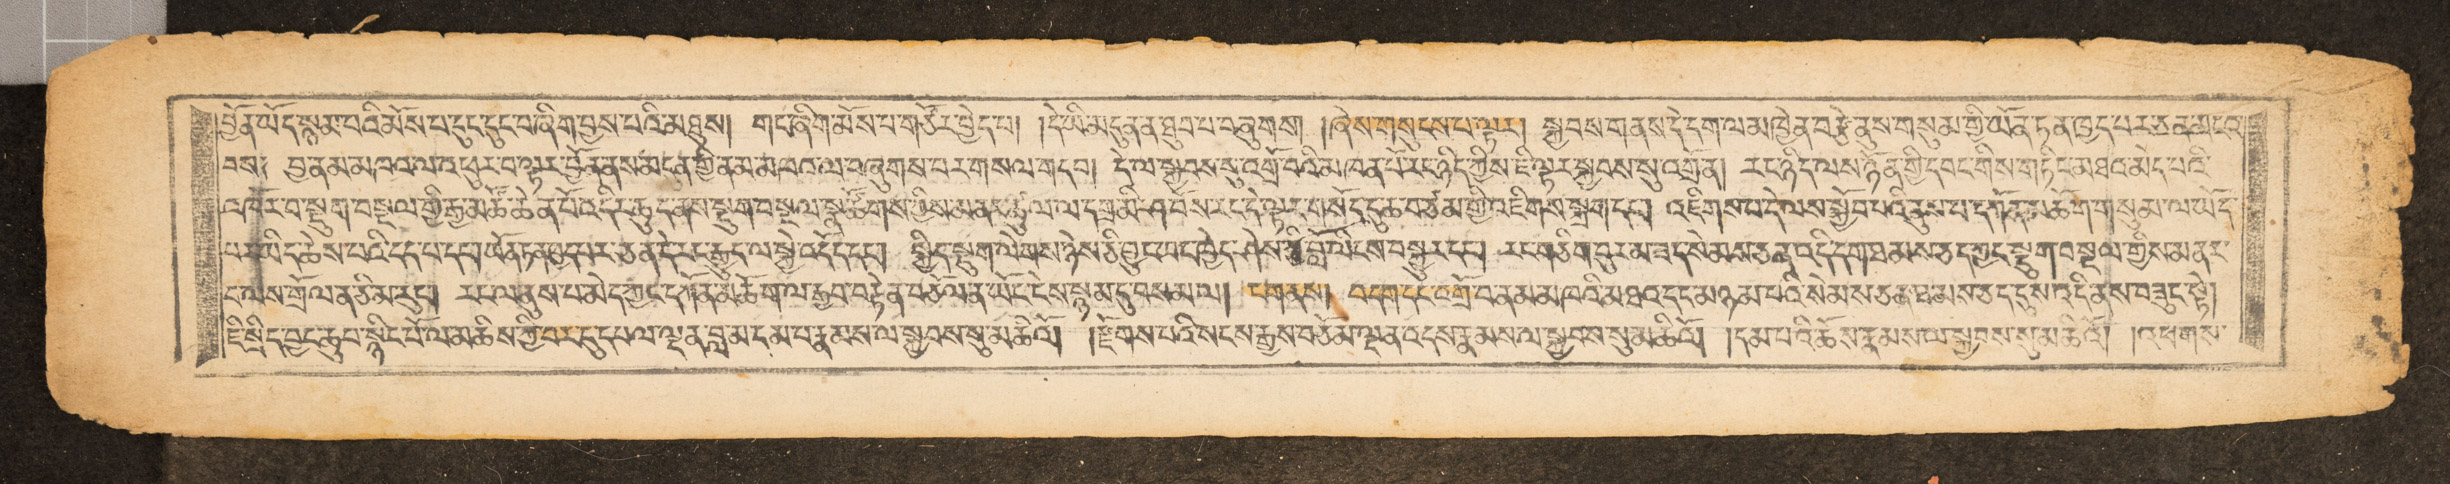བྱོན་ཡོད་སྙམ་པའི་མོས་བ་དུང་དུང་བཞག་བྱས་པའི་མཐུས། གང་ཞིག་མོས་པ་གཙོར་བྱེད་པ། །དེ་ཡི་མདུན་ན་ཐུབ་བ་བཞུགས། །ཞེས་གསུངས་པ་ལྟར། སྐྱབས་གནས་དེ་དག་ལ་མཁྱེན་བརྩེ་ནུས་གསུམ་གྱི་ཡོན་ཏན་ཁྱད་པར་ཅན་མངའ་
བས༑ བྱ་ནམ་མཁའ་ལ་འཕུར་བ་ལྟར་བྱོན་ནས་མདུན་གྱི་ནམ་མཁའ་ལ་བཞུགས་པར་གསལ་གདབ། དེ་ལ་སྐྱབས་སུ་འགྲོ་བའི་མཁན་པོ་རང་ཉིད་ཀྱིས་ཇི་ལྟར་སྐྱབས་སུ་འགྲོ་ན། རང་ཉིད་ལས་ཉོན་གྱི་དབང་གིས་གཏིང་མཐའ་མེད་པའི་
འཁོར་བ་སྡུག་བསྔལ་གྱི་རྒྱ་མཚོ་ཆེན་པོ་འདིར་ཆུད་ནས་སྡུག་བསྔལ་སྣ་ཚོགས་ཀྱིས་མནར་ཚུལ་ལ་དགྲ་མི་ཤ་བོས་རང་དེ་ལྟར་གསོད་དུ་ཆ་བ་ཙམ་གྱི་འཇིགས་སྐྲག་དང་། འཇིགས་པ་དེ་ལས་སྐྱོབ་བའི་ནུས་པ་དཀོན་མཆོག་གསུམ་ལ་ཡོད་
པར་ཡིད་ཆེས་པའི་དད་པ་དང་། ཡོན་ཏན་ཁྱད་པར་ཅན་དེ་རང་རྒྱུད་ལ་སྐྱེ་འདོད་དང་། སྐྱིད་སྡུག་ལེགས་ཉེས་ཅི་བྱུང་ཡང་ཁྱེད་ཤེས་ཀྱི་བློ་ལིངས་བསྐྱུར་དང་། རང་གཅིག་བུར་མ་ཟད་སེམས་ཅན་འདི་དག་ཐམས་ཅད་ཀྱང་སྡུག་བསྔལ་གྱིས་མནར་
ང་ལས་གྲོལ་ན་ཅི་མ་རུང་། རང་ལ་ནུས་པ་མེད་ཀྱང་དཀོན་མཆོག་ལ་རྒྱབ་བརྟེན་བཅོལ་ན་ཡོང་ངེས་སྙམ་དུ་བསམ་ལ། ངག་ནས། བདག་དང་འགྲོ་བ་ནམ་མཁའི་མཐའ་དང་མཉམ་པའི་སེམས་ཅན་ཐམས་ཅད་དུས་འདི་ནས་བཟུང་སྟེ།
ཇི་སྲིད་བྱང་ཆུབ་སྙིང་པོ་ལ་མཆིས་ཀྱི་བར་དུ་དཔལ་ལྡན་བླ་མ་དམ་པ་རྣམས་ལ་སྐྱབས་སུ་མཆིའོ། །རྫོགས་པའི་སངས་རྒྱས་བཅོམ་ལྡན་འདས་རྣམས་ལ་སྐྱབས་སུ་མཆིའོ། །དམ་པའི་ཆོས་རྣམས་ལ་སྐྱབས་སུ་མཆིའོ། །འཕགས་